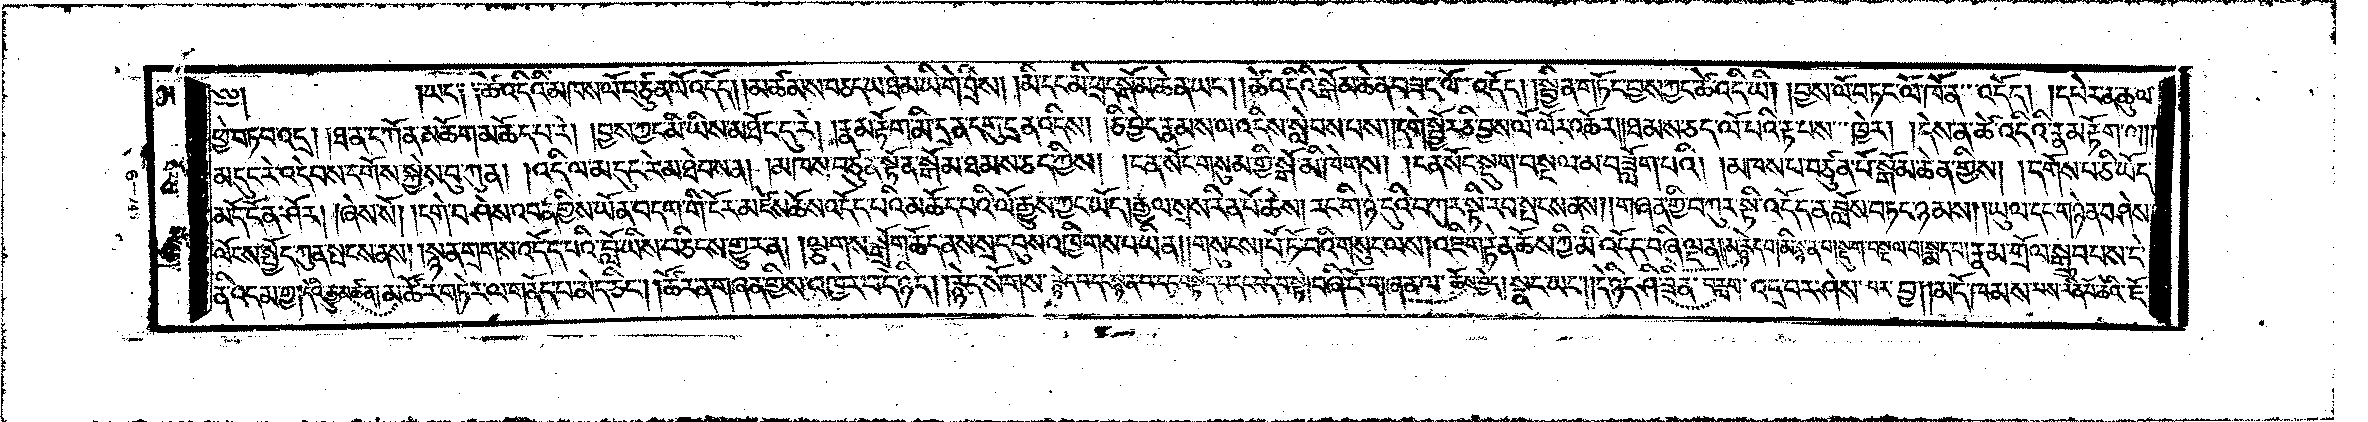༄༅། །ཡང༑ ༑ཚེ་འདིའི་མཁས་ལོ་བཙུན་ལོ་འདོད། །མཚམས་བཅད་ཡ་ཐེམ་ཡི་གེ་བྲིས། །མི་དང་མི་ཕྲད་སྒོམ་ཆེན་ཡང་། །ཚེ་འདིའི་སྒོམ་ཆེན་བཟང་ལོ་འདོད། །སྦྱིན་གཏོང་བྱས་ཀྱང་ཚེ་འདི་ཡི། །བྱས་ལོ་བཏང་ལོ་ཁོ་ན་འདོད། །དཔེར་ན་ཚུལ་
ཕྱེ་བཏབ་འདྲ། །ཐ་ན་དཀོན་མཆོག་མཆོད་པ་རེ། །བྱས་ཀྱང་མི་ཡིས་མཐོང་དུ་རེ། །རྣམ་རྟོག་མི་དྲན་དགུ་དྲན་འདིས། །ཅི་བྱེད་རྣམས་ལ་འདིས་སླེབས་པས། །དགེ་སྦྱོར་ཅི་བྱས་ལོ་ལོར་འཆོར། །ཐམས་ཅད་ལོ་པའི་རྟ་པས་ཁྱེར། །དེས་ན་ཚེ་འདིའི་རྣམ་རྟོག་ལ།།
མདུང་རེ་འདེབས་དགོས་སྐྱེས་བུ་ཀུན། །འདི་ལ་མདུང་རེམ་ཐེབས་ན། །མཁས་བཙུན་སྟོན་སྒོམ་ཐམས་ཅད་ཀྱིས། །ངན་སོང་གསུམ་གྱི་སྒོ་མི་ཁེགས། །ངན་སོང་སྡུག་བསྔལ་མ་བཟློག་པའི། །མཁས་པ་བཙུན་པོ་སྒོམ་ཆེན་གྱིས། །དགོས་པ་ཅི་ཡོད་
མདོ་དོན་ཤོར། །ཞེས་སོ། །དགེ་བཤེས་འབན་གྱིས་ཡོན་བདག་གི་ངོར་མཛེས་ཆོས་འདོད་པའི་མཆོད་པའི་ལོ་རྒྱུས་ཀྱང་ཡོད། རྒྱལ་སྲས་རིན་པོ་ཆེས། རང་གི་ཉེ་དུའི་བཀུར་སྟི་རབ་སྤངས་ནས། །གཞན་གྱི་བཀུར་སྟེ་འདོད་ན་བློས་བཏང་ཉམས། །ཡུལ་དང་གཉེན་བཤེས་
ལོངས་སྤྱོད་ཀུན་སྤངས་ནས། །སྙན་གྲགས་འདོད་པའི་བློ་ཡིས་བཅིངས་གྱུར་ན། །ལྕགས་སྒྲོག་ཆོད་ནས་སྲས་བུས་འཁྱིགས་པ་ཡིན། །གསུངས། པོ་ཏོ་བའི་གསུང་ལས། འཇིག་རྟེན་ཆོས་ཀྱི་མི་འདོད་མ་རྙེད་བ།  བཞི་ལྡན། སྡུག་བསྔལ་བ། སྨད་བ།  རྣམ་གྲོལ་སྒྲུབ་པས་དེ་
ནི་འདམ་གྱ། དེའི་རྒྱུ་མཚན།  མ་ཚོར་གཏེར་ལ་གནོད་པ་མེད་ཅིང་། །ཚོར་ན་གཞན་གྱིས་འཁྱེར་བ་དེ་ཉིད། །རྙེད་སོགས་རྙེད་པ་དང་སྙན་པ་དང་བསྟོད་པ་དང་བདེ་བ་སྟེ།  བཞི་པོ་གཞན་ཆོས་བྱེད།  ལ་སྣང་ཡང་། །དེ་ཉིད་ཤི་བརླག་ཟིན་འདྲ་བར་ཤེས་པར་བྱ། །མདོ་ཁམས་པས་རིན་པོ་ཆེའིཇོ་